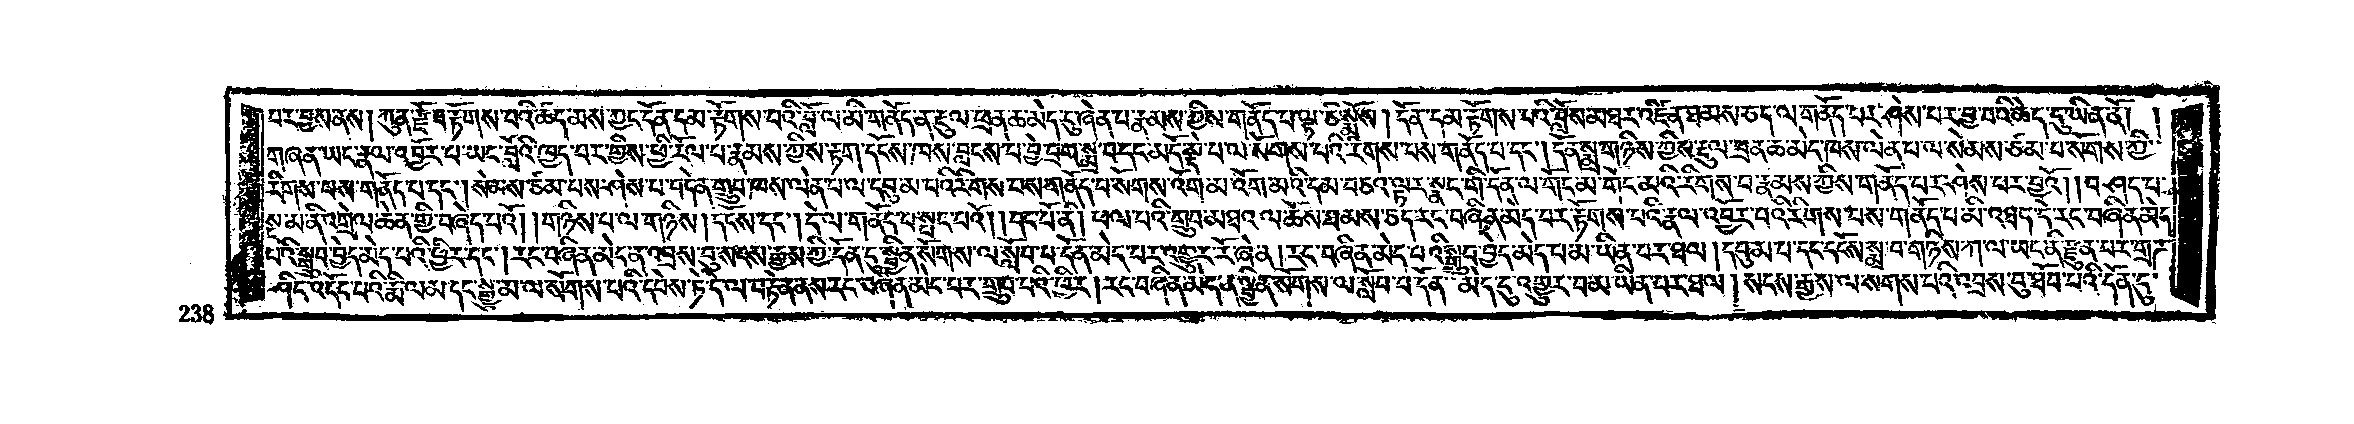པར་བྱས་ནས། ཀུན་རྫོབ་རྟོགས་པའི་ཚད་མས་ཀྱང་དོན་དམ་རྟོགས་པའི་བློ་ལ་མི་གནོད་ན་རྡུལ་ཕྲན་ཆ་མེད་དུ་ཞེན་པ་རྣམས་ཀྱིས་གནོད་པ་ལྟ་ཅི་སྨོས། དོན་དམ་རྟོགས་པའི་བློས་མཐར་འཛིན་ཐམས་ཅད་ལ་གནོད་པར་ཤེས་པར་བྱ་བའི་ཆེད་དུ་ཡིན་ནོ། །
གཞན་ཡང་རྣལ་འབྱོར་པ་ཡང་བློའི་ཁྱད་པར་གྱིས་ཕྱི་རོལ་པ་རྣམས་ཀྱིས་རྟག་དངོས་ཁས་བླངས་པ་བྱེ་བྲག་སྨྲ་བ་དང་མདོ་སྡེ་པ་ལ་སོགས་པའི་རིགས་པས་གནོད་པ་དང་། དོན་སྨྲ་གཉིས་ཀྱིས་རྡུལ་ཕྲན་ཆ་མེད་ཁས་ལེན་པ་ལ་སེམས་ཙམ་པ་སོགས་ཀྱི་
རིགས་པས་གནོད་པ་དང་། སེམས་ཙམ་པས་ཤེས་པ་བདེན་གྲུབ་ཁས་ལེན་པ་ལ་དབུ་མ་པའི་རིགས་པས་གནོད་པ་སོགས་འོག་མ་འོག་མའི་དམ་བཅའ་ལྟར་སྣང་གི་དོན་ལ་གོང་མ་གང་མའི་རིགས་པ་རྣམས་ཀྱིས་གནོད་པར་ཤེས་པར་བྱའོ། །བཤད་པ་
སྔ་མ་ནི་འགྲེལ་ཆེན་གྱི་བཞེད་པའོ། །གཉིས་པ་ལ་གཉིས། དངོས་དང་། དེ་ལ་གནོད་པ་སྤང་བའོ། །དང་པོ་ནི། ཕལ་པའི་གྲུབ་མཐའ་ལ་ཆོས་ཐམ་ཅད་རང་བཞིན་མེད་པར་རྟོགས་པའི་རྣལ་འབྱོར་པའི་རིགས་པས་གནོད་པ་མི་འཐད་དེ་རང་བཞིན་མེད་
པའི་སྒྲུབ་བྱེད་མེད་པའི་ཕྱིར་དང་། རང་བཞིན་མེད་ན་འབྲས་བུ་སངས་རྒྱས་ཀྱི་དོན་དུ་སྦྱིན་སོགས་ལ་སློབ་པ་དོན་མེད་པར་འགྱུར་རོ་ཞེ་ན། རང་བཞིན་མེད་པའི་སྒྲུབ་བྱེད་མེད་པ་མ་ཡིན་པར་ཐལ། དབུ་མ་པ་དང་དངོས་སྨྲ་བ་གཉིས་ཀ་ལ་ཡང་ནི་རྫུན་པར་གྲགས་
ཤིང་འདོད་པའི་རྨི་ལམ་དང་སྒྱུར་མ་ལ་སོགས་པའི་དཔེས་ཏེ་དེ་ལ་བརྟེན་ནས་རང་བཞིན་མེད་པར་གྲུབ་པའི་ཕྱིར། རང་བཞིན་མེད་ན་སྦྱིན་སོགས་ལ་སློབ་པ་དོན་མེད་དུ་འགྱུར་བ་མ་ཡིན་པར་ཐལ། སངས་རྒྱས་ལ་སོགས་པའི་འབྲས་བུ་ཐོབ་པའི་དོན་དུ་